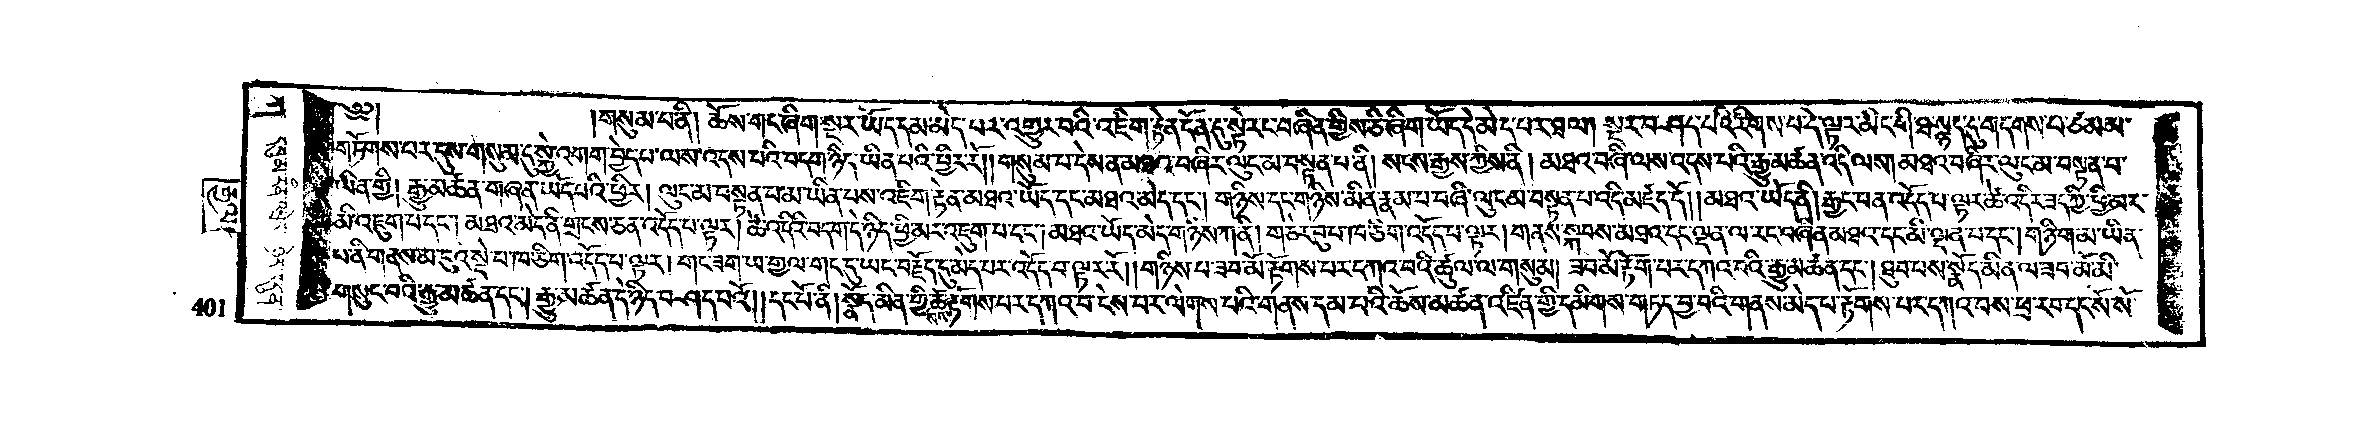༄༅། །གསུམ་པ་ནི། ཆོས་གང་ཞིག་སྔར་ཡོད་དམ་མེད་པར་འགྱུར་བའི་འཇིག་རྟེན་དོན་དུ་སྟེ་རང་བཞིན་གྱིས་ཅི་ཞིག་ཡོད་དེ་མེད་པར་ཐལ་སྔར་བཤད་པའི་རིགས་པ་དེ་ལྟར་མིང་གི་ཐ་སྙད་དུ་གདགས་པ་ཙམ་མ་
གཏོགས་པར་དུས་གསུམ་དུ་སྐྱེ་འགག་བྱེད་པ་ལས་འདས་པའི་བདག་ཉིད་ཡིན་པའི་ཕྱིར་རོ། །གསུམ་པ་དེས་ན་མཐའ་བཞིར་ལུང་མ་བསྟན་པ་ནི། སངས་རྒྱས་ཀྱིས་ནི། མཐའ་བཞི་ལས་འདས་པའི་རྒྱུ་མཚན་འདི་ལས། མཐའ་བཞིར་ལུང་མ་བསྟན་པ་
ཡིན་གྱི། རྒྱུ་མཚན་གཞན་ཡོད་པའི་ཕྱིར། ལུང་མ་བསྟན་པ་མ་ཡིན་པས་འཇིག་རྟེན་མཐའ་ཡོད་དང་མཐའ་མེད་དང་། གཉིས་དང་གཉིས་མིན་རྣམ་པ་བཞི་ལུང་མ་བསྟན་པ་འདི་མཛད་དོ། །མཐའ་ཡོད་ནི། རྒྱང་ཕན་འདོད་པ་ལྟར་ཚེ་འདིར་ཟད་ཀྱི་ཕྱི་མར་
མི་འཇུག་པ་དང་། མཐའ་མེད་ནི་གྲངས་ཅན་འདོད་པ་ལྟར། ཚེ་འདིའི་བདག་དེ་ཉིད་ཕྱི་མར་འཇུག་པ་དང་། མཐའ་ཡོད་མེད་གཉིས་ཀ་ནི། གཅེར་བུ་པ་ཁ་ཅིག་འདོད་པ་ལྟར། གནས་སྐབས་མཐའ་དང་ལྡན་ལ་རང་བཞིན་མཐའ་དང་མི་ལྡན་པ་དང་། གཉི་ག་མ་ཡིན་
པ་ནི་གནས་མ་དུའི་སྡེ་པ་ཁ་ཅིག་འདོད་པ་ལྟར། གང་ཟག་ཡ་གྱལ་གང་དུ་ཡང་བརྗོད་དུ་མེད་པར་འདོད་པ་ལྟར་རོ། །གཉིས་པ་ཟབ་མོ་རྟོགས་པར་དཀའ་བའི་ཚུལ་ལ་གསུམ། ཟབ་མོ་རྟོག་པར་དཀའ་བའི་རྒྱུ་མཚན་དང་། ཐུབ་པས་སྣོད་མིན་ལ་ཟབ་མོ་མི་
གསུང་བའི་རྒྱུ་མཚན་དང་། རྒྱུ་མཚན་དེ་ཉིད་བཤད་པའོ། །དང་པོ་ནི། སྣོད་མིན་གྱིས་ཆོས་རྟོགས་པར་དཀའ་བ་ངེས་པར་ལེགས་པའི་གནས་དམ་པའི་ཆོས་མཚན་འཛིན་གྱི་དམིགས་གཏད་བྱ་བའི་གནས་མེད་པར་རྟོགས་པར་དཀའ་བས་ཕྲ་རབ་དང་སོ་སོ་